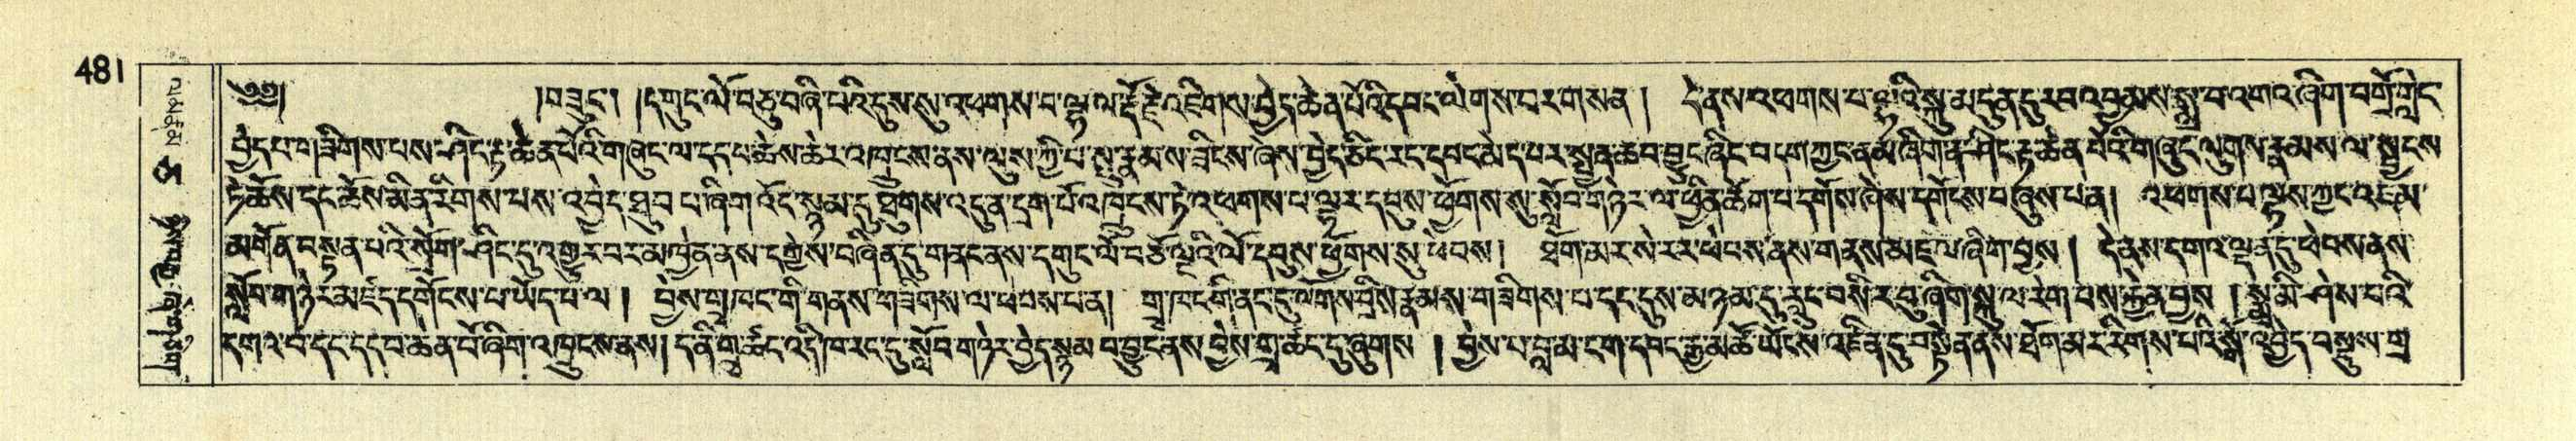༄༅། །བཟུང་། །དགུང་ལོ་བཅུ་བཞི་པའི་དུས་སུ་འཕགས་བ་ལྷ་ལ་རྡོ་རྗེ་འཇིགས་བྱེད་ཆེན་པོའི་དབང་ལེགས་བར་གསན། དེ་ནས་འཕགས་པ་ལྷའི་སྐུ་མདུན་དུ་རབ་འབྱམས་སྨྲ་བ་འགའ་ཞིག་བགྲོ་གླེང་
བྱེད་པ་གཟིགས་པས་ཤིང་རྟ་ཆེན་པོའི་གཞུང་ལ་དད་པ་ཆེས་ཆེར་འཁྲུངས་ནས་ལུས་ཀྱི་པ་སྤུ་རྣམས་ཟིངས་ཞེས་བྱེད་ཅིང་རང་དབང་མེད་པར་སྤྱན་ཆབ་བྱུང་ཞིང་བདག་ཀྱང་ནམ་ཞིག་ན་ཤིང་རྟ་ཆེན་བོའི་གཞུང་ལུགས་རྣམས་ལ་སྦྱངས་
ཏེ་ཆོས་དང་ཆོས་མིན་རིགས་པས་འབྱེད་ཐུབ་པ་ཞིག་འོད་སྙམ་དུ་ཐུགས་འདུན་དྲག་པོ་འཁྲུངས་ཏེ་འཕགས་པ་ལྷར་དབུས་ཕྱོགས་སུ་སློབ་གཉེར་ལ་ཕྱིན་ཆོག་པ་དགོས་ཞེས་དགོངས་བཞུས་པ་ན། འཕགས་པ་ལྷས་ཀྱང་འཇམ་
མགོན་བསྟན་པའི་སྲོག་ཤིང་དུ་འགྱུར་བར་མཁྱེན་ནས་དགྱེས་བཞིན་དུ་གནང་ནས་དགུང་ལོ་བཅོ་ལྔའི་ལོ་དབུས་ཕྱོགས་སུ་ཕེབས། ཐོག་མར་སེ་རར་ཕེབས་ནས་གནས་མཇལ་ཞིག་བྱས། དེ་ནས་དགའ་ལྡན་དུ་ཕེབས་ནས་
སློབ་གཉེར་མཛད་དགོངས་པ་ཡོད་པ་ལ། བྱེས་གྲྭ་ཁང་གི་གནས་གཟིགས་ལ་ཕེབས་པ་ན། གྲྭ་ཁང་གི་ནང་དུ་ལོགས་བྲིས་རྣམས་གཟིགས་པ་དང་དུས་མཉམ་དུ་རླུང་བསིར་བུ་ཞིག་སྐུ་ལ་རེག་པས་རྐྱེན་བྱས། །སྨྲ་མི་ཤེས་པའི་
དགའ་བ་དང་དད་བ་ཆེན་པོ་ཞིག་འཁྲུངས་ནས། ད་ནི་གྲྭ་ཚང་འདི་ཁ་རང་དུ་སློབ་གཉེར་བྱེད་སྙམ་བ་བྱུང་ནས་བྱེས་གྲྭ་ཚང་དུ་ཞུགས་།བྱེས་པ་བླ་མ་ངག་དབང་རྒྱ་མཚོ་ཡོངས་འཛིན་དུ་བསྟེན་ནས་ཐོག་མར་རིགས་པའི་སྒོ་འབྱེད་བསྡུས་གྲ་